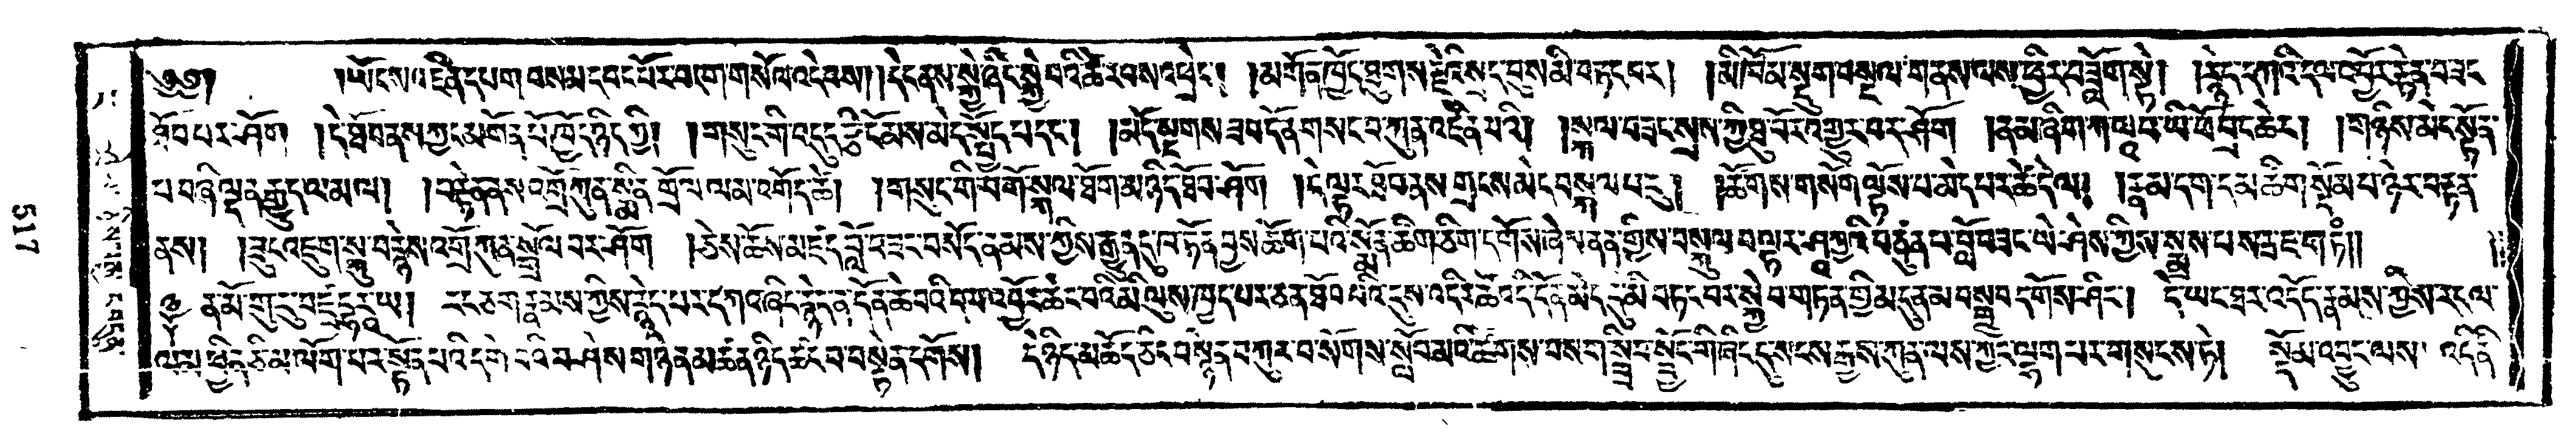༄༅། །ཡོངས་འཛིན་དཔག་བསམ་དབང་པོར་བདག་གསོལ་འདེབས། །དེང་ནས་སྐྱེ་ཞིང་སྐྱེ་བའི་ཚེ་རབས་འཕྲེང་། །མགོན་ཁྱོད་ཐུགས་རྗེའི་སྲད་བུས་མི་བཏང་བར། །མི་ཁོམ་སྡུག་བསྔལ་གནས་ལས་ཕྱིར་བཟློག་སྟེ། །རྙེད་དཀའི་དལ་འབྱོར་རྟེན་བཟང་
ཐོབ་པར་ཤོག །དེ་ཐོབ་ནས་ཀྱང་མགོན་པོ་ཁྱོད་ཉིད་ཀྱི། །གསུང་གི་བདུད་རྩི་ངོམས་མེད་སྤྱོད་པ་དང་། །མདོ་སྔགས་ཟབ་དོན་གསང་བ་ཀུན་འཛིན་པའི། །སྐལ་བཟང་སྲས་ཀྱི་ཐུ་བོར་འགྱུར་བར་ཤོག །ནམ་ཞིག་ཀ་ལཱ་བ་ཡི་ཕོ་བྲང་ཆེར། །གཉིས་མེད་སྟོན་
པ་བཞི་ལྡན་རྒྱུད་ལམ་ལ། །བརྟེན་ནས་འགྲོ་ཀུན་སྨིན་གྲོལ་ལམ་འགོད་ཚེ། །གསུང་གི་བགོ་སྐལ་ཐོག་མ་ཉིད་ཐོབ་ཤོག །དེ་ལྟར་ཐོབ་ནས་གྲངས་མེད་བསྐལ་པ་རུ། །ཚོགས་གསོག་ལྟོས་པ་མེད་པར་ཚེ་དེ་ལ། །རྣམ་དག་དམ་ཚིག་སྡོམ་པ་ཉེར་བརྟན་
ནས། །ཟུང་འཇུག་སྐུ་བརྙེས་འགྲོ་ཀུན་སྒྲོལ་བར་ཤོག །ཅེས་ཆོས་མཛད་བློ་བཟང་བསོད་ནམས་ཀྱིས་རྒྱུན་དུ་ཁ་ཏོན་བྱས་ཆོག་པའི་སྨོན་ཚིག་ཅིག་དགོས་ཞེས་ནན་གྱིས་བསྐུལ་བ་ལྟར་ཤཱཀྱའི་བཙུན་པ་བློ་བཟང་ཡེ་ཤེས་ཀྱིས་སྨྲས་པ་སརྦ་ཇ་ག་ཏཾ།། །།
༈ ན་མོ་གུ་རུ་བཛྲ་དྷ་རཱ་ཡ། རང་ཅག་རྣམས་ཀྱིས་རྙེད་པར་དཀའ་ཞིང་རྙེད་ན་དོན་ཆེ་བའི་དལ་འབྱོར་ཆེད་པའི་མི་ལུས་ཁྱད་པར་ཅན་ཐོབ་པའི་དུས་འདིར་ཚེ་འདི་དོན་མེད་དུ་མི་བཏང་བར་སྐྱེ་བ་གཏན་གྱི་མདུན་མ་བསྒྲུབ་དགོས་ཤིང་། དེ་ཡང་ཐར་འདོད་རྣམས་ཀྱིས་རང་ལ་
ལམ་ཕྱིན་ཅི་མ་ལོག་པར་སྟོན་པའི་དགེ་བའི་བཤེས་གཉེན་མཚན་ཉིད་ཚང་བ་བསྟེན་དགོས། དེ་ཉིད་མཆོད་ཅིང་བསྙེན་བཀུར་བ་སོགས་སློབ་མའི་ཚོགས་བསག་སྒྲིབ་སྦྱོང་གི་ཞིང་དུ་སངས་རྒྱས་ཀུན་ལས་ཀྱང་ལྷག་པར་གསུངས་ཏེ། སྡོམ་འབྱུང་ལས། འདི་ནི་